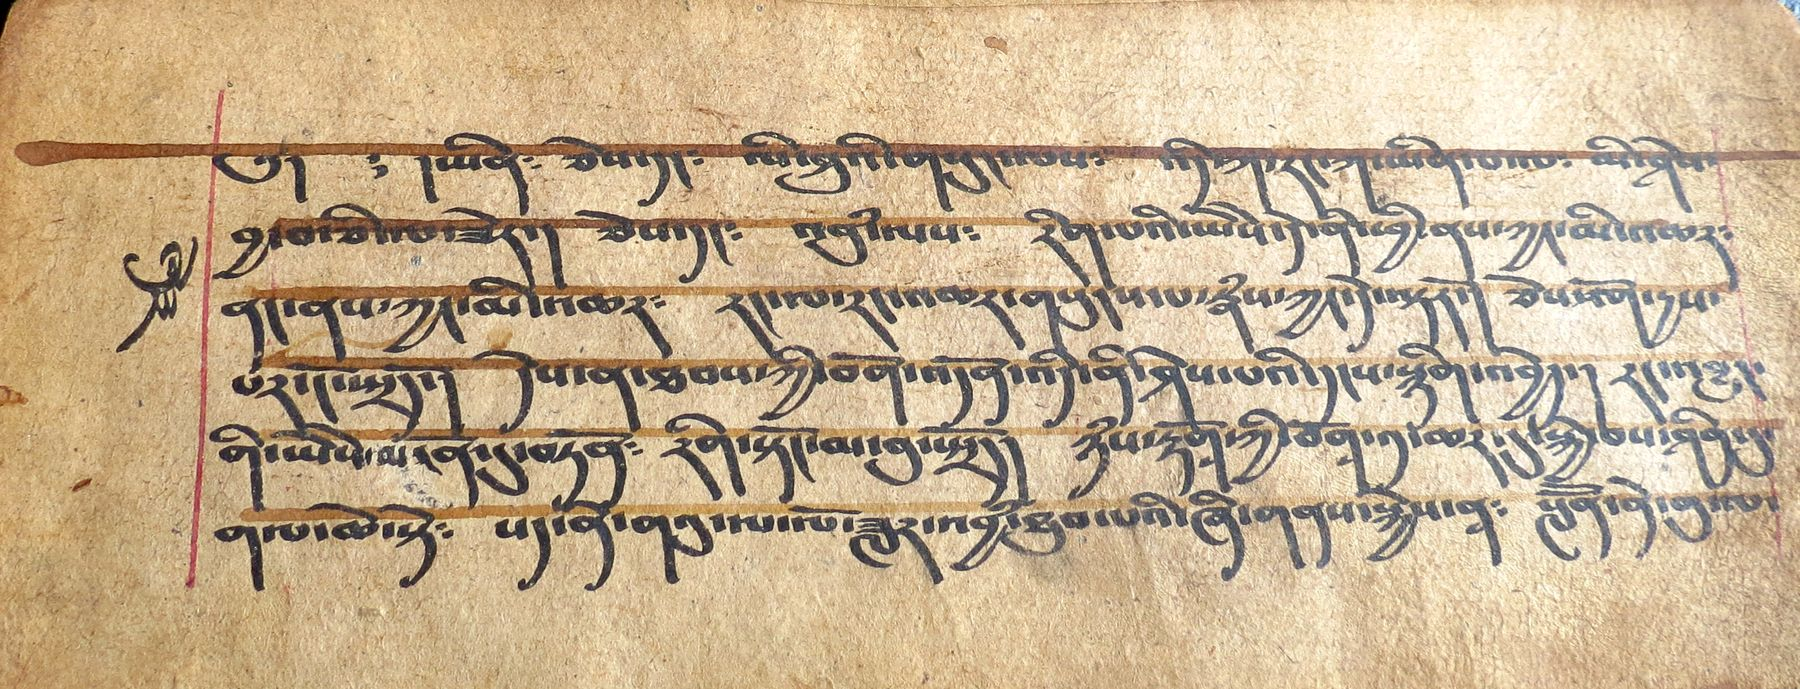ཡིན་ཅེས་དང་། ལི་ཤུའི་གསུངས་ལས། འདི་ཀ་རང་ཁ་ཡིན་པ་ལ། མི་ཤེས་
བྱ་བ་ཅི་ལ་ཟེར། ཅེས་དང་། འབུམ་ལས། རང་རིག་པའི་ཡེ་ཤེས་དེ་ནི་ཕྱི་ནས་ཀྱང་མི་འཆར། 
༔ནང་ནས་ཀྱང་མི་འཆར། རང་ལ་རང་འཆར་གསུངས་པ་རྣམས་ཀྱང་དེ་ལྟར་རོ། ཞེས་སོགས་རྒྱས་
པར་ངོ་སྤྲད་དོ། ། དེས་ན་ཐབས་ཀྱི་བོག་འདོན་འདི་ནི་ཤེས་པའི་དྭངས་སྙིགས་འབྱེད། རང་འབྱུང་
གི་ཡེ་ཤེས་མངོན་དུ་སྟོན། རིག་སྟོང་མ་བུ་སྤྲོད། ཉམས་རྟོགས་ཀྱི་བོགས་ཅིག་ཆར་དུ་སྐྱེ་བས་ཤིན་ཏུ་
གལ་ཆེ་སྟེ། སད་ནེ་གའུ་ལ་ལོ་ཟླར་འབྱམས་ཐུབ་པའི་ཞི་གནས་སྐྱེས་ནས། སློབ་དཔོན་ནེ་གུ་ལ་